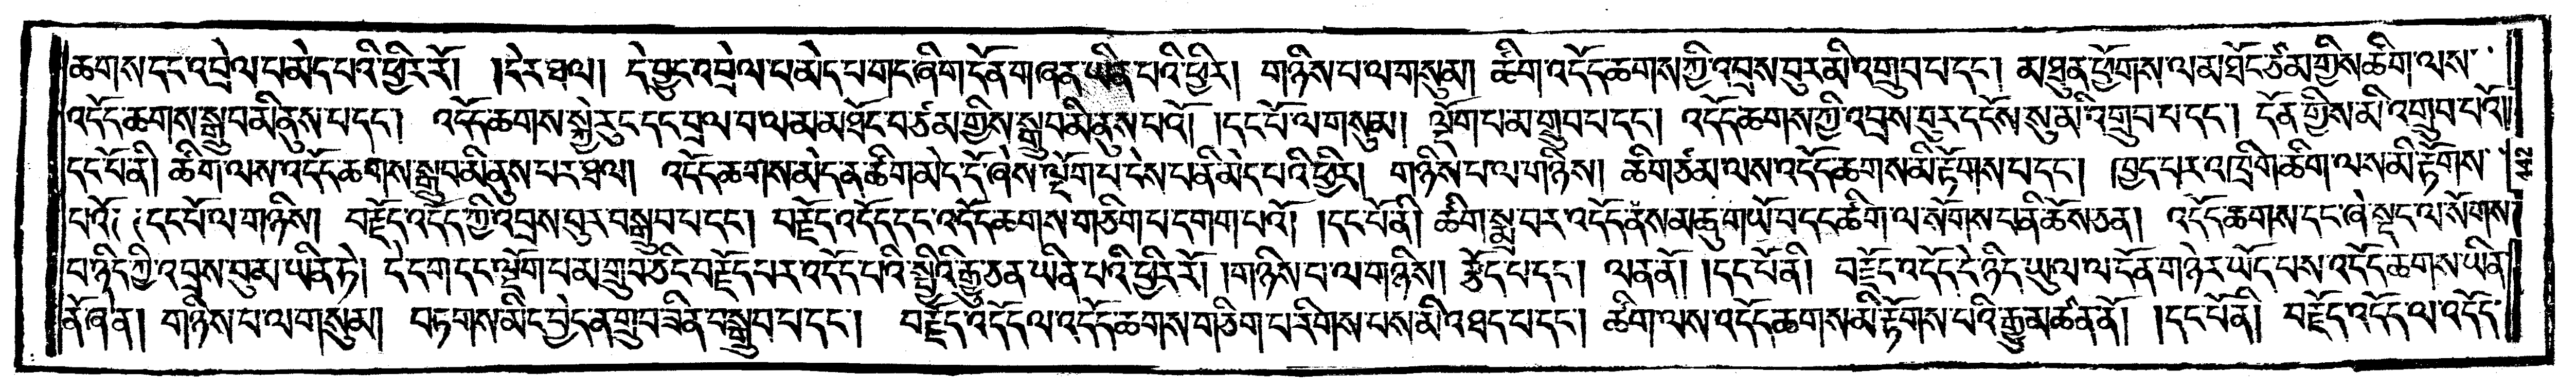ཆགས་དང་འབྲེལ་པ་མེད་པའི་ཕྱིར་རོ། །དེར་ཐལ། དེ་བྱུང་འབྲེལ་པ་མེད་པ་གང་ཞིག་དོན་གཞན་ཡིན་པའི་ཕྱིར། གཉིས་པ་ལ་གསུམ། ཚིག་འདོད་ཆགས་ཀྱི་འབྲས་བུར་མི་འགྲུབ་པ་དང་། མཐུན་ཕྱོགས་ལ་མཐོང་ཙམ་གྱིས་ཚིག་ལས་
འདོད་ཆགས་སྒྲུབ་མི་ནུས་པ་དང་། འདོད་ཆགས་སྐྱེ་རུང་དང་བྲལ་བ་ལ་མ་མཐོང་བ་ཙམ་གྱིས་སྒྲུབ་མི་ནུས་པའོ། །དང་པོ་ལ་གསུམ། ལྡོག་པ་མ་གྲུབ་པ་དང་། འདོད་ཆགས་ཀྱི་འབྲས་བུར་དངོས་སུ་མི་འགྲུབ་པ་དང་། དོན་གྱིས་མི་འགྲུབ་པའོ།།
དང་པོ་ནི། ཚིག་ལས་འདོད་ཆགས་སྒྲུབ་མི་ནུས་པར་ཐལ། འདོད་ཆགས་མེད་ན་ཚིག་མེད་དོ་ཞེས་ལྡོག་པ་ངེས་པ་ནི་མེད་པའི་ཕྱིར། གཉིས་པ་ལ་གཉིས། ཚིག་ཙམ་ལས་འདོད་ཆགས་མི་རྟོགས་པ་དང་། ཁྱད་པར་འཁྲིག་ཚིག་ལས་མི་རྟོགས་
པའོ༑ ༑དང་པོ་ལ་གཉིས། བརྗོད་འདོད་ཀྱི་འབྲས་བུར་བསྒྲུབ་པ་དང་། བརྗོད་འདོད་དང་འདོད་ཆགས་གཅིག་པ་དགག་པའོ། །དང་པོ་ནི། ཚིག་སྨྲ་བར་འདོད་ནས་མཆུ་གཡོ་བ་དང་ཚིག་ལ་སོགས་པ་ནི་ཆོས་ཅན། འདོད་ཆགས་དང་ཞེ་སྡང་ལ་སོགས་
པ་ཉིད་ཀྱི་འབྲས་བུ་མ་ཡིན་ཏེ། དེ་དག་དང་ལྡོག་པ་མ་གྲུབ་ཅིང་བརྗོད་པར་འདོད་པའི་སྤྱིའི་རྒྱུ་ཅན་ཡིན་པའི་ཕྱིར་རོ། །གཉིས་པ་ལ་གཉིས། རྩོད་པ་དང་། ལན་ནོ། །དང་པོ་ནི། བརྗོད་འདོད་དེ་ཉིད་ཡུལ་ལ་དོན་གཉེར་ཡོད་པས་འདོད་ཆགས་ཡིན་
ནོ་ཞེ་ན། གཉིས་པ་ལ་གསུམ། བཏགས་མིང་བྱེད་ན་གྲུབ་ཟིན་བསྒྲུབ་པ་དང་། བརྗོད་འདོད་ལ་འདོད་ཆགས་གཅིག་པ་རིགས་པས་མི་འཐད་པ་དང་། ཚིག་ལས་འདོད་ཆགས་མི་རྟོགས་པའི་རྒྱུ་མཚན་ནོ། །དང་པོ་ནི། བརྗོད་འདོད་ལ་འདོད་